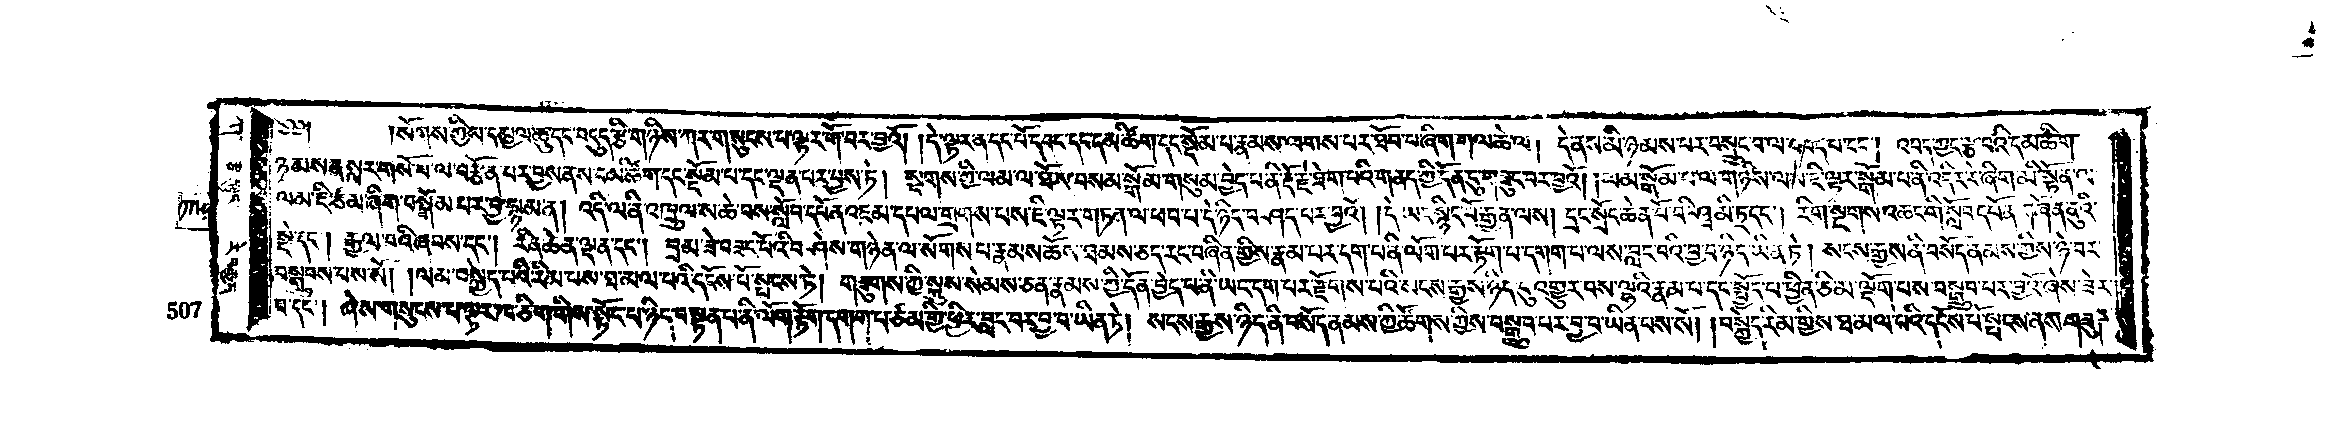༄༅། །སོགས་ཀྱིས་དམྱལ་ཆུ་དང་བདུད་རྩི་གཉིས་ཀར་གསུངས་པ་ལྟར་གོ་བར་བྱའོ། །དེ་ལྟར་ན་དང་པོ་དབང་དང་དམ་ཚིག་དང་སྡོམ་པ་རྣམས་ལགས་པར་ཐོབ་པ་ཞིག་གལ་ཆེ་ལ། དེ་ནས་མི་ཉམས་པར་བསྲུང་བ་ལ་འབད་པ་དང་། འབད་ཀྱང་རྩ་བའི་དམ་ཚིག་
ཉམས་ན་སླར་གསོ་པ་ལ་བརྩོན་པར་བྱས་ནས་དམ་ཚིག་དང་སྡོམ་པ་དང་ལྡན་པར་བྱས་ཏེ། སྔགས་ཀྱི་ལམ་ལ་ཐོས་བསམ་སྒོམ་གསུམ་བྱེད་པ་ནི་རྡོ་རྗེ་ཐེག་པའི་གནད་ཀྱི་དོན་དུ་གཟུང་བར་བྱའོ། །ལམ་སྒོམ་པ་ལ་གཉིས་ལས་ཇི་ལྟར་སྒོམ་པ་ནི་འདིར་རེ་ཞིག་མི་སྟོན་ལ་
ལམ་ཇི་ཙམ་ཞིག་བསྒོམ་པར་བྱ་སྙམ་ན། འདི་ལ་ནི་འཁྲུལ་ས་ཆེ་བས་སློབ་དཔོན་འཇམ་དཔལ་གྲགས་པས་ཇི་ལྟར་གཏན་ལ་ཕབ་པ་དེ་ཉིད་བཤད་པར་བྱའོ། །དེ་ཡང་སྙིང་པོ་རྒྱན་ལས། དྲང་སྲོང་ཆེན་པོ་བི་ཤྭ་མི་ཏྲ་དང་། རིག་སྔགས་འཆང་གི་སློབ་དཔོན་གཞོན་ནུའི་
སྡེ་དང་། རྒྱལ་བའི་ཞབས་དང་། རིན་ཆེན་ལྡན་དང་། བྲམ་ཟེ་བཟང་པོའི་བཤེས་གཉེན་ལ་སོགས་པ་རྣམས་ཆོས་ཐམས་ཅད་རང་བཞིན་གྱིས་རྣམ་པར་དག་པ་ནི་ལོག་པར་རྟོག་པ་དགག་པ་ལས་བླང་བའི་བྱ་བ་ཉིད་ཡིན་ཏེ། སངས་རྒྱས་ནི་བསོད་ནམས་ཀྱིས་ཉེ་བར་
བསྒྲུབས་པས་སོ། །ལམ་བསྐྱེད་པའི་རིམ་པས་ཐ་མལ་པའི་དངོས་པོ་སྤངས་ཏེ། གཟུགས་ཀྱི་སྐུས་སེམས་ཅན་རྣམས་ཀྱི་དོན་བྱེད་པ་ནི་ཡང་དག་པར་རྫོགས་པའི་སངས་རྒྱས་ཉིད་དུ་འགྱུར་བས་ལྷའི་རྣམ་པ་དང་སྤྱོད་པ་ཕྱིན་ཅི་མ་ལྡོག་པས་བསྒྲུབ་པར་བྱའོ་ཞེས་ཟེར་
བ་དང་། ཞེས་གསུངས་པ་ལྟར་ཁ་ཅིག་གིས་སྟོང་པ་ཉིད་བསྟན་པ་ནི་ལོག་རྟོག་དགག་པ་ཙམ་གྱི་ཕྱིར་བླང་བར་བྱ་བ་ཡིན་ཏེ། སངས་རྒྱས་ཉིད་ནི་བསོད་ནམས་ཀྱི་ཚོགས་ཀྱིས་བསྒྲུབ་པར་བྱ་བ་ཡིན་པས་སོ། །བསྐྱེད་རིམ་གྱིས་ཐ་མལ་པའི་དངོས་པོ་སྤངས་ནས་གཟུགས་